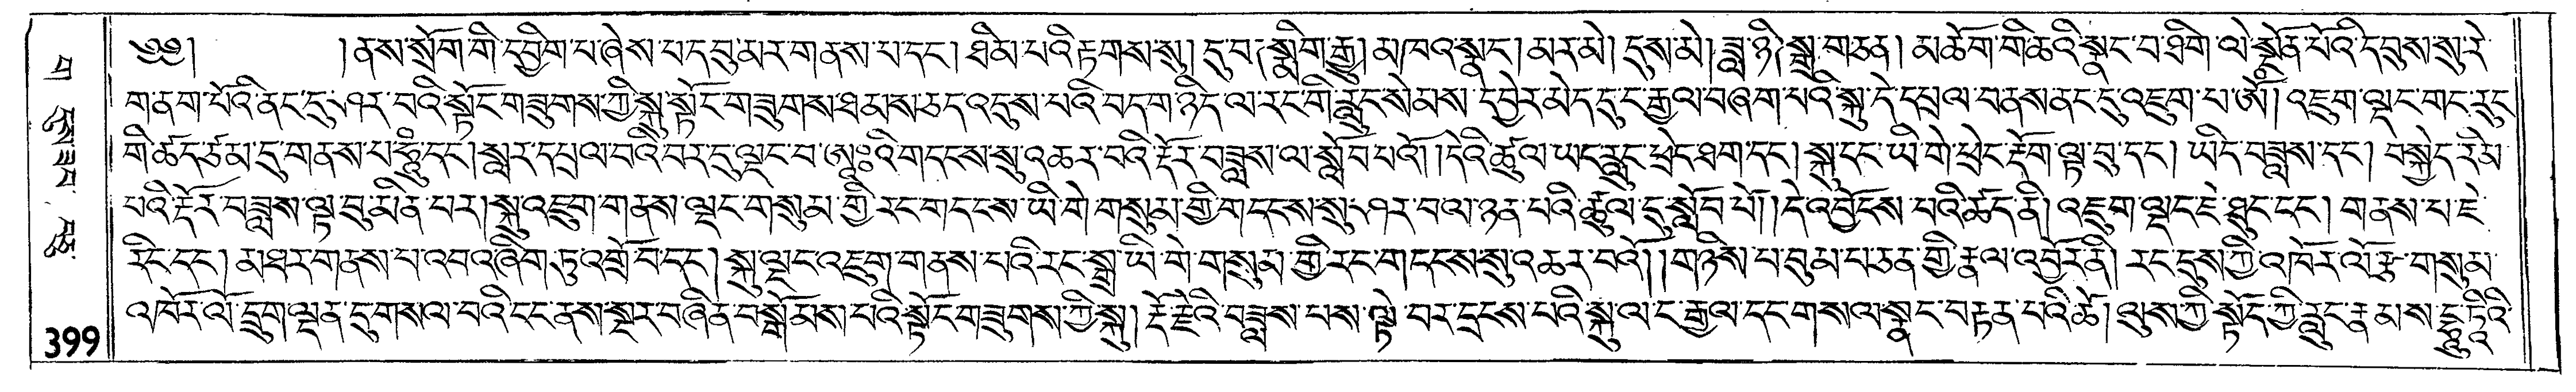༄༅། །ནས་སྲོག་གི་དབྱིག་པ་ཞེས་པ་དབུ་མར་གནས་པ་དང་། ཐིམ་པའི་རྟགས་སུ། དུ་བ། སྨིག་རྒྱུ། མཁའ་སྣང་། མར་མེ། དུས་མེ། ཟླ་ཉི། སྒྲ་གཅན། མཆོག་གི་ཆའི་སྣང་བ་ཐིག་ལེ་སྔོན་པོའི་དབུས་སུ་རེ་
ག་ནག་པོའི་ནང་དུ་ཤར་བའི་སྟོང་གཟུགས་ཀྱི་སྐུ་སྟོང་གཟུགས་ཐམས་ཅད་འདུས་པའི་བདག་ཉིད་ལ་རང་གི་རླུང་སེམས་དབྱེར་མེད་དུ་ང་རྒྱལ་བཞག་པའི་སྐུ་དེ་དཔྲལ་བ་ནས་ནང་དུ་འཇུག་པ་ཨོཾ། འཇུག་ལྡང་གང་རུང་
གི་ཚད་ཙམ་དུ་གནས་པ་ཧཱུཾ་དང་། སླར་དཔྲལ་བའི་བར་དུ་ལྡང་བ་ཨཱཿའི་གདངས་སུ་འཆར་བའི་རྡོར་བཟླས་ལ་སློབ་པའོ། །དེའི་ཚུལ་ཡང་རླུང་ཕྲེང་ཐག་དང་། སྐུ་དང་ཡི་གེ་ཕྲེང་རྡོག་ལྟ་བུ་དང་། ཡིད་བཟླས་དང་། བསྐྱེད་རིམ་
པའི་རྡོར་བཟླས་ལྟ་བུ་མིན་པར། སྐུ་འཇུག་གནས་ལྡང་གསུམ་གྱི་རང་གདངས་ཡི་གེ་གསུམ་གྱི་གདངས་སུ་ཤར་བ་ལ་ཉན་པའི་ཚུལ་དུ་སློབ་པོ། །དེ་འབྱོངས་པའི་ཚད་ནི། འཇུག་ལྡང་ཇེ་ཐུང་དང་། གནས་པ་ཇེ་
རིང་དང་། མཐར་གནས་པ་འབའ་ཞིག་ཏུ་འགྲོ་བ་དང་། སྐུ་ལྡང་འཇུག་གནས་པའི་རང་སྒྲ་ཡི་གེ་གསུམ་གྱི་རང་གདངས་སུ་འཆར་བའོ། །གཉིས་པ་བུམ་པ་ཅན་གྱི་རྣལ་འབྱོར་ནི། རང་དུས་ཀྱི་འཁོར་ལོ་རྩ་གསུམ་
འཁོར་ལོ་དྲུག་ལྡན་དུ་གསལ་བའི་ངང་ནས་སྔར་བཞིན་བསྒོམས་པའི་སྟོང་གཟུགས་ཀྱི་སྐུ། རྡོ་རྗེའི་བཟླས་པས་ལྟེ་བར་དྲངས་པའི་སྐུ་ལ་ང་རྒྱལ་དང་གསལ་སྣང་བརྟན་པའི་ཚེ། ལུས་ཀྱི་སྟོད་ཀྱི་རླུང་རྣམས་དྷཱུ་ཏཱིའི་